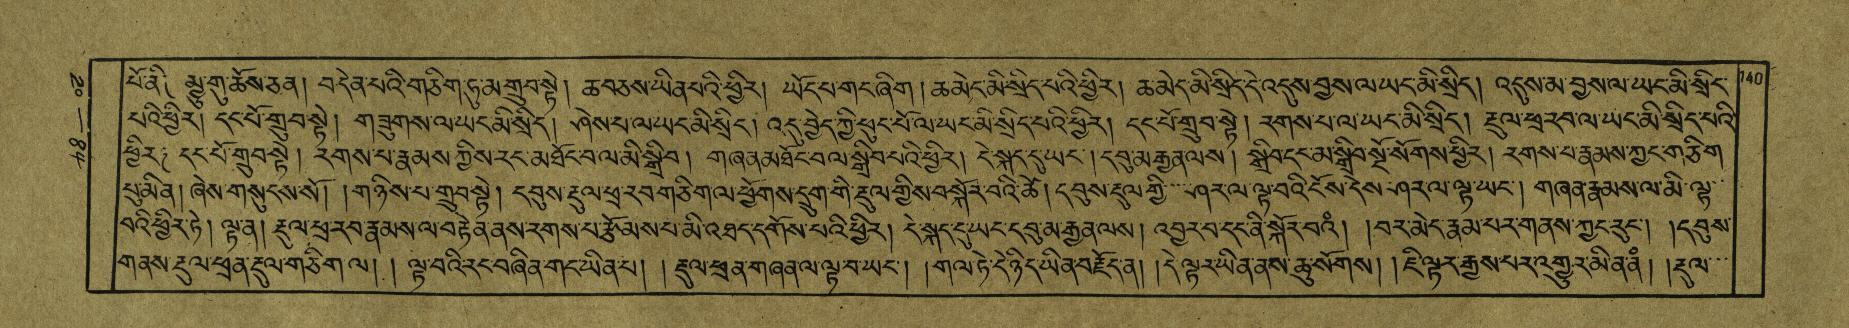པོ་ནི༑ མྱུ་གུ་ཆོས་ཅན། བདེན་པའི་གཅིག་ཏུ་མ་གྲུབ་སྟེ། ཆ་བཅས་ཡིན་པའི་ཕྱིར། ཡོང་པ་གང་ཞིག། ཆ་མེད་མི་སྲིད་པའི་ཕྱིར། ཆ་མེད་མི་སྲིད་དེ་འདུས་བྱས་ལ་ཡང་མི་སྲིད། འདུས་མ་བྱས་ལ་ཡང་མི་སྲིད་
པའི་ཕྱིར། དང་པོ་གྲུབ་སྟེ། གཟུགས་ལ་ཡང་མི་སྲིད། ཤེས་པ་ལ་ཡང་མི་སྲིད། འདུ་བྱེད་ཀྱི་ཕུང་པོ་ལ་ཡང་མི་སྲིད་པའི་ཕྱིར། དང་པོ་གྲུབ་སྟེ། རགས་པ་ལ་ཡང་མི་སྲིད། རྡུལ་ཕྲ་རབ་ལ་ཡང་མི་སྲིད་པའི་
ཕྱིར༑ དང་པོ་གྲུབ་སྟེ། རགས་པ་རྣམས་ཀྱིས་རང་མཐོང་བ་ལ་མི་སྒྲིབ། གཞན་མཐོང་བ་ལ་སྒྲིབ་པའི་ཕྱིར། དེ་སྐད་དུ་ཡང་། དབུ་མ་རྒྱན་ལས། སྒྲིབ་དང་མ་སྒྲིབ་སྔོ་སོགས་ཕྱིར། རགས་པ་རྣམས་ཀྱང་གཅིག་
པུ་མིན། ཞེས་གསུངས་སོ། །གཉིས་པ་གྲུབ་སྟེ། དབུས་རྡུལ་ཕྲ་རབ་གཅིག་ལ་ཕྱོགས་དྲུག་གི་རྡུལ་གྱིས་བསྐོར་བའི་ཚེ། དབུས་རྡུལ་གྱི་ཤར་ལ་ལྟ་བའི་ངོས་དེས་ཤར་ལ་ལྟ་ཡང་། གཞན་རྣམས་ལ་མི་ལྟ་
བའི་ཕྱིར་ཏེ། ལྟ་ན། རྡུལ་ཕྲ་རབ་རྣམས་ལ་བརྟེན་ནས་རགས་པ་རྩོམས་པ་མི་འཐད་དགོས་པའི་ཕྱིར། དེ་སྐད་དུ་ཡང་དབུ་མ་རྒྱན་ལས། འབྱར་བ་དང་ནི་སྐོར་བའཾ། །བར་མེད་རྣམ་པར་གནས་ཀྱང་རུང་། །དབུས་
གནས་རྡུལ་ཕྲན་རྡུལ་གཅིག་ལ། །ལྟ་བའི་རང་བཞིན་གང་ཡིན་པ། །རྡུལ་ཕྲན་གཞན་ལ་ལྟ་བ་ཡང་། །གལ་ཏེ་དེ་ཉིད་ཡིན་བརྗོད་ན། །དེ་ལྟར་ཡིན་ནས་ཆུ་སོགས། །ཇི་ལྟར་རྒྱས་པར་འགྱུར་མི་ན་ནཾ། །རྡུལ་